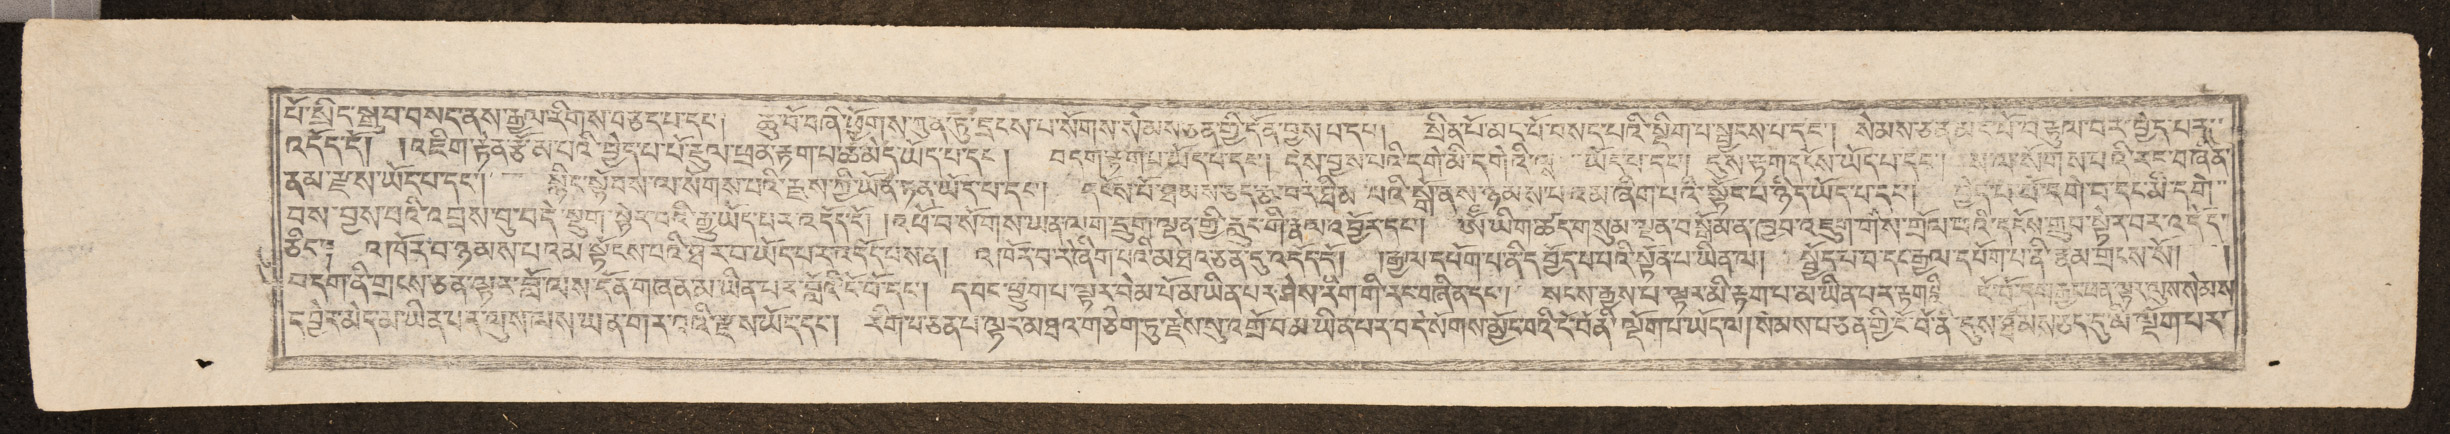པོ་སྲིད་སྒྲུབ་བསད་ནས་རྒྱལ་རིགས་བཅད་པ་དང་། ཆུ་བོ་བཞི་ཕྱོགས་ཀུན་ཏུ་དྲངས་པ་སོགས་སེམས་ཅན་གྱི་དོན་བྱས་པ་དང་། སྲིན་པོ་མང་པོ་བསད་པའི་སྡིག་པ་སྦྱངས་པ་དང་། སེམས་ཅན་མང་པོ་བརྟུལ་བར་བྱེད་པར་
འདོད་དོ། །འཇིག་རྟེན་རྩོམ་པའི་བྱེད་པ་པོ་རྡུལ་ཕྲན་རྟག་པ་ཆ་མེད་ཡོད་པ་དང་། བདག་རྟག་པ་ཡོད་པ་དང་། དེས་བྱས་པའི་དགེ་མི་དགེའི་ལས་ཡོད་པ་དང་། དུས་རྟག་དངོས་ཡོད་པ་དང་། ས་ལ་སོགས་པའི་རང་བཞིན་
ནམ་རྫས་ཡོད་པ་དང་། སྙིང་སྟོབས་ལ་སོགས་པའི་རྫས་ཀྱི་ཡོན་ཏན་ཡོད་པ་དང་། དངོས་པོ་ཐམས་ཅད་རྩ་བར་ཐིམ་པའི་སྒོ་ནས་ཉམས་པའམ་ཞིག་པའི་སྟོང་པ་ཉིད་ཡོད་པ་དང་། བྱེད་པ་པོ་དགེ་བ་དང་མི་དགེ་
བས་བྱས་པའི་འབྲས་བུ་བདེ་སྡུག་སྟེར་བའི་རྒྱུ་ཡོད་པར་འདོད་དོ། །འཕོ་བ་སོགས་ཡན་ལག་དྲུག་ལྡན་གྱི་རླུང་གི་རྣལ་འབྱོར་དང་། ཨོཾ་ཡིག་ཚད་གསུམ་ལྡན་བསྒོམ་ན་ཁྱབ་འཇུག་གིས་གྲོལ་བའི་དངོས་གྲུབ་སྟེར་བར་འདོད་
ཅིང༑ འཁོར་བ་ཉམས་པའམ་སྟོངས་པའི་ཐར་པ་ཡོད་པར་འདོད་པས་ན། འཁོར་བ་རེ་ཞིག་པའི་མཐའ་ཅན་དུ་འདོད་དོ། །རྒྱལ་དཔོག་པ་ནི་དབྱོད་པ་པའི་སྟོན་པ་ཡིན་ལ། སྤྱོད་པ་བ་དང་རྒྱལ་དཔོག་པ་ནི་རྣམ་གྲངས་སོ། །
བདག་ནི་གྲངས་ཅན་ལྟར་བློ་ལས་དོན་གཞན་མ་ཡིན་པར་བློའི་ངོ་བོ་དང་། དབང་ཕྱུག་པ་ལྟར་བེམ་པོ་མ་ཡིན་པར་ཤེས་རིག་གི་རང་བཞིན་དང་། སངས་རྒྱས་པ་ལྟར་མི་རྟག་པ་མ་ཡིན་པར་རྟག་བཱི་ངོ་བོ་དང་། རྒྱང་ཕན་ལྟར་ལུས་སེམས་
དབྱེར་མེད་མ་ཡིན་པར་ལུས་ལས་ཡན་གར་བའི་རྫས་ཡོད་དང་། རིག་པ་ཅན་པ་ལྟར་མཐའ་གཅིག་ཏུ་རྗེས་སུ་འགྲོ་བ་མ་ཡིན་པར་བདེ་སོགས་མྱོང་བའི་ངོ་བོ་ནི་ལྡོག་པ་ཡོད་ལ། སེམས་པ་ཅན་གྱི་ངོ་བོ་ནི་དུས་ཐམས་ཅད་དུ་མི་ལྡོག་པར་